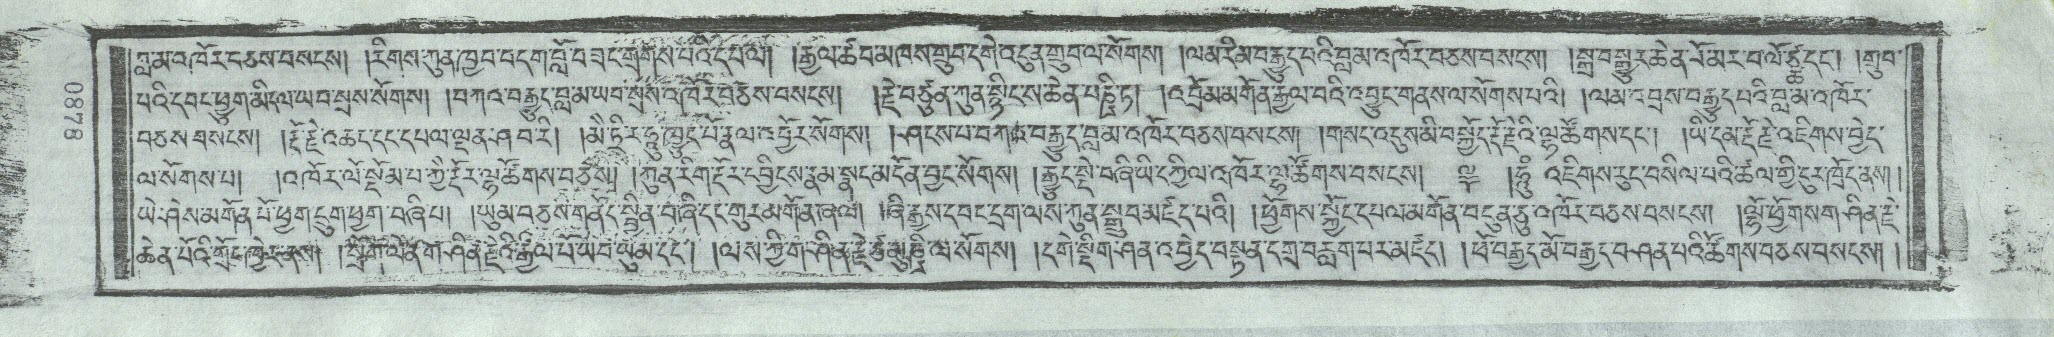བླ་མ་འཁོར་བཅས་བསངས། །རིགས་ཀུན་ཁྱབ་བདག་བློ་བཟང་གྲགས་པའི་དཔལ། །རྒྱལ་ཚབ་མཁས་གྲུབ་དགེ་འདུན་གྲུབ་ལ་སོགས། །ལམ་རིམ་བརྒྱུད་པའི་བླ་མ་འཁོར་བཅས་བསངས། །སྒྲ་བསྒྱུར་ཆེན་བོ་མར་བ་ལོ་ཙྪ་དང་། །གྲུབ་
པའི་དབང་ཕྱུག་མདིལ་ཡབ་སྲས་སོགས། །བཀའ་བརྒྱུད་བླ་མ་ཡབ་སྲས་འཁོར་བཅས་བསངས། །རྗེ་བཙུན་ཀུན་སྙིངས་ཆེན་པཎྜི་ཏ། །འབྲོམ་མགོན་རྒྱལ་བའི་འབྱུང་གནས་ལ་སོགས་པའི། །ལམ་འབྲས་བརྒྱུད་པའི་བླ་མ་འཁོར་
བཅས་བསངས། །རྡོ་རྗེ་འཆད་དང་དཔལ་ལྡན་ཤ་བ་རི། །མཻ་ཏྲི་ར་ཧཱུ་ཁྱུང་པོ་རྣལ་འབྱོར་སོགས། །ཤངས་པ་བཀའ་བརྒྱུད་བླ་མ་འཁོར་བཅས་བསངས། །གསང་འདུས་མི་བསྐྱོད་རྡོ་རྗེའི་ལྷ་ཚོགས་དང་། །ཡི་དམ་རྡོ་རྗེ་འཇིགས་བྱེད་
ལ་སོགས་པ། །འཁོར་ལོ་སྡོམ་པ་ཀྱཻ་རྡོར་ལྷ་ཚོགས་བཅས། །ཀུན་རིག་རྡོར་དབྱིངས་རྣམ་སྣང་མངོན་བྱང་སོགས། །རྒྱུད་སྡེ་བཞི་ཡི་དཀྱིལ་འཁོར་ལྷ་ཚོགས་བསངས། ༈ །ཧཱུཾ་འཇིགས་རུང་བསིལ་པའི་ཚལ་གྱི་ངུར་ཁྲོད་ནས། །
ཡེ་ཤེས་མགོན་པོ་ཕྱག་དྲུག་ཕྱག་བཞི་པ། །ཡུམ་བཅས་གནོད་སྦྱིན་བཞི་དང་གུར་མགོན་ཞལ། །ཞི་རྒྱས་དབང་དྲག་ལས་ཀུན་སྒྲུབ་མཛད་པའི། །ཕྱོགས་སྐྱོང་དཔལ་མགོན་བདུན་ཅུ་འཁོར་བཅས་བསངས། །ལྷོ་ཕྱོགས་གཤིན་རྗེ་
ཆེན་པོའི་གྲོང་ཁྱེར་ནས། །སྲོག་ལེན་གཤིན་རྗའི་རྒྱལ་པོ་ཡབ་ཡུམ་དང་། །ལས་ཀྱི་གཤིན་རྗེ་ཙམ་མུཎྜི་ལ་སོགས། །དགེ་སྡིག་ཤན་འབྱེད་བསྟན་དགྲ་བརླག་པར་མཛད། །ཕོ་བརྒྱད་མོ་བརྒྱད་བཤན་པའི་ཚོགས་བཅས་བསངས། །